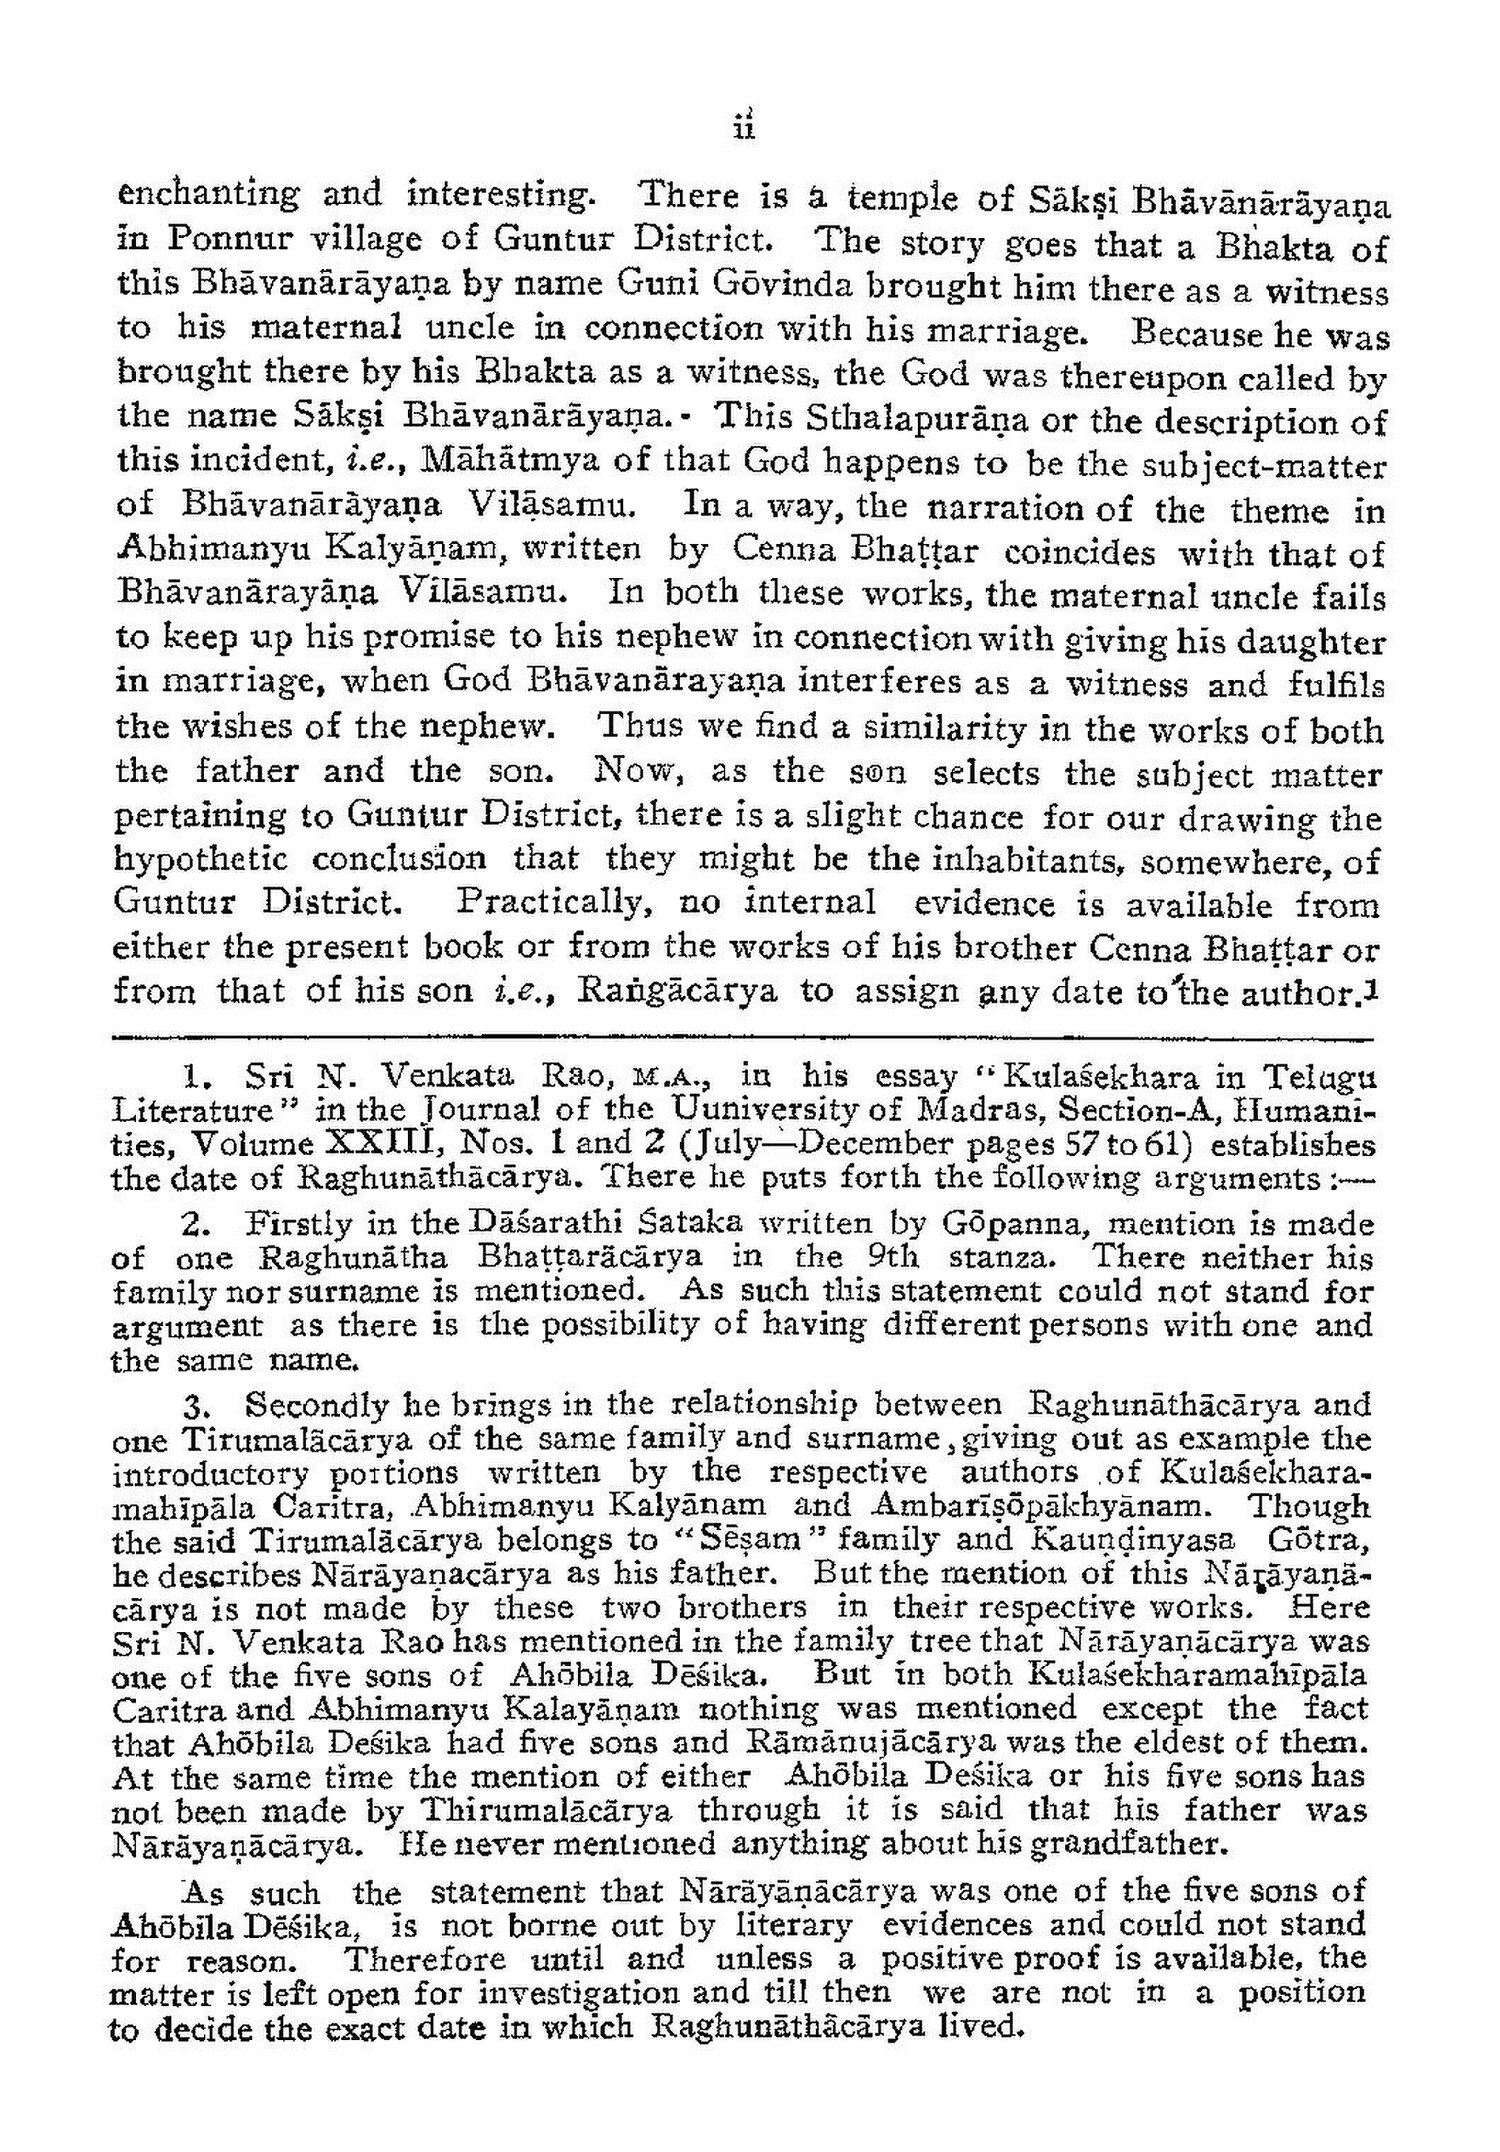enchanting and interesting. There is a temple of Säkṣi Bhāvānārāyana in Ponnur village of Guntur District. The story goes that a Bhakta of this Bhāvanārāyana by name Guni Gōvinda brought him there as a witness to his maternal uncle in connection with his marriage. Because he was brought there by his Bhakta as a witness, the God was thereupon called by the name Sākṣi Bhāvanārāyana. This Sthalapurāņa or the description of this incident, i.e., Māhātmya of that God happens to be the subject-matter of Bhāvanārāyana Vilāsamu. In a way, the narration of the theme in Abhimanyu Kalyānam, written by Cenna Bhattar coincides with that of Bhāvanārayāņa Vilāsamu. In both these works, the maternal uncle fails to keep up his promise to his nephew in connection with giving his daughter in marriage, when God Bhāvanārāyaṇa interferes as a witness and fulfils the wishes of the nephew. Thus we find a similarity in the works of both the father and the son. Now, as the son selects the subject matter pertaining to Guntur District, there is a slight chance for our drawing the hypothetic conclusion that they might be the inhabitants, somewhere, of Guntur District. Practically, no internal evidence is available from either the present book or from the works of his brother Cenna Bhattar or from that of his son i.e., Raṅgācārya to assign any date to the author.